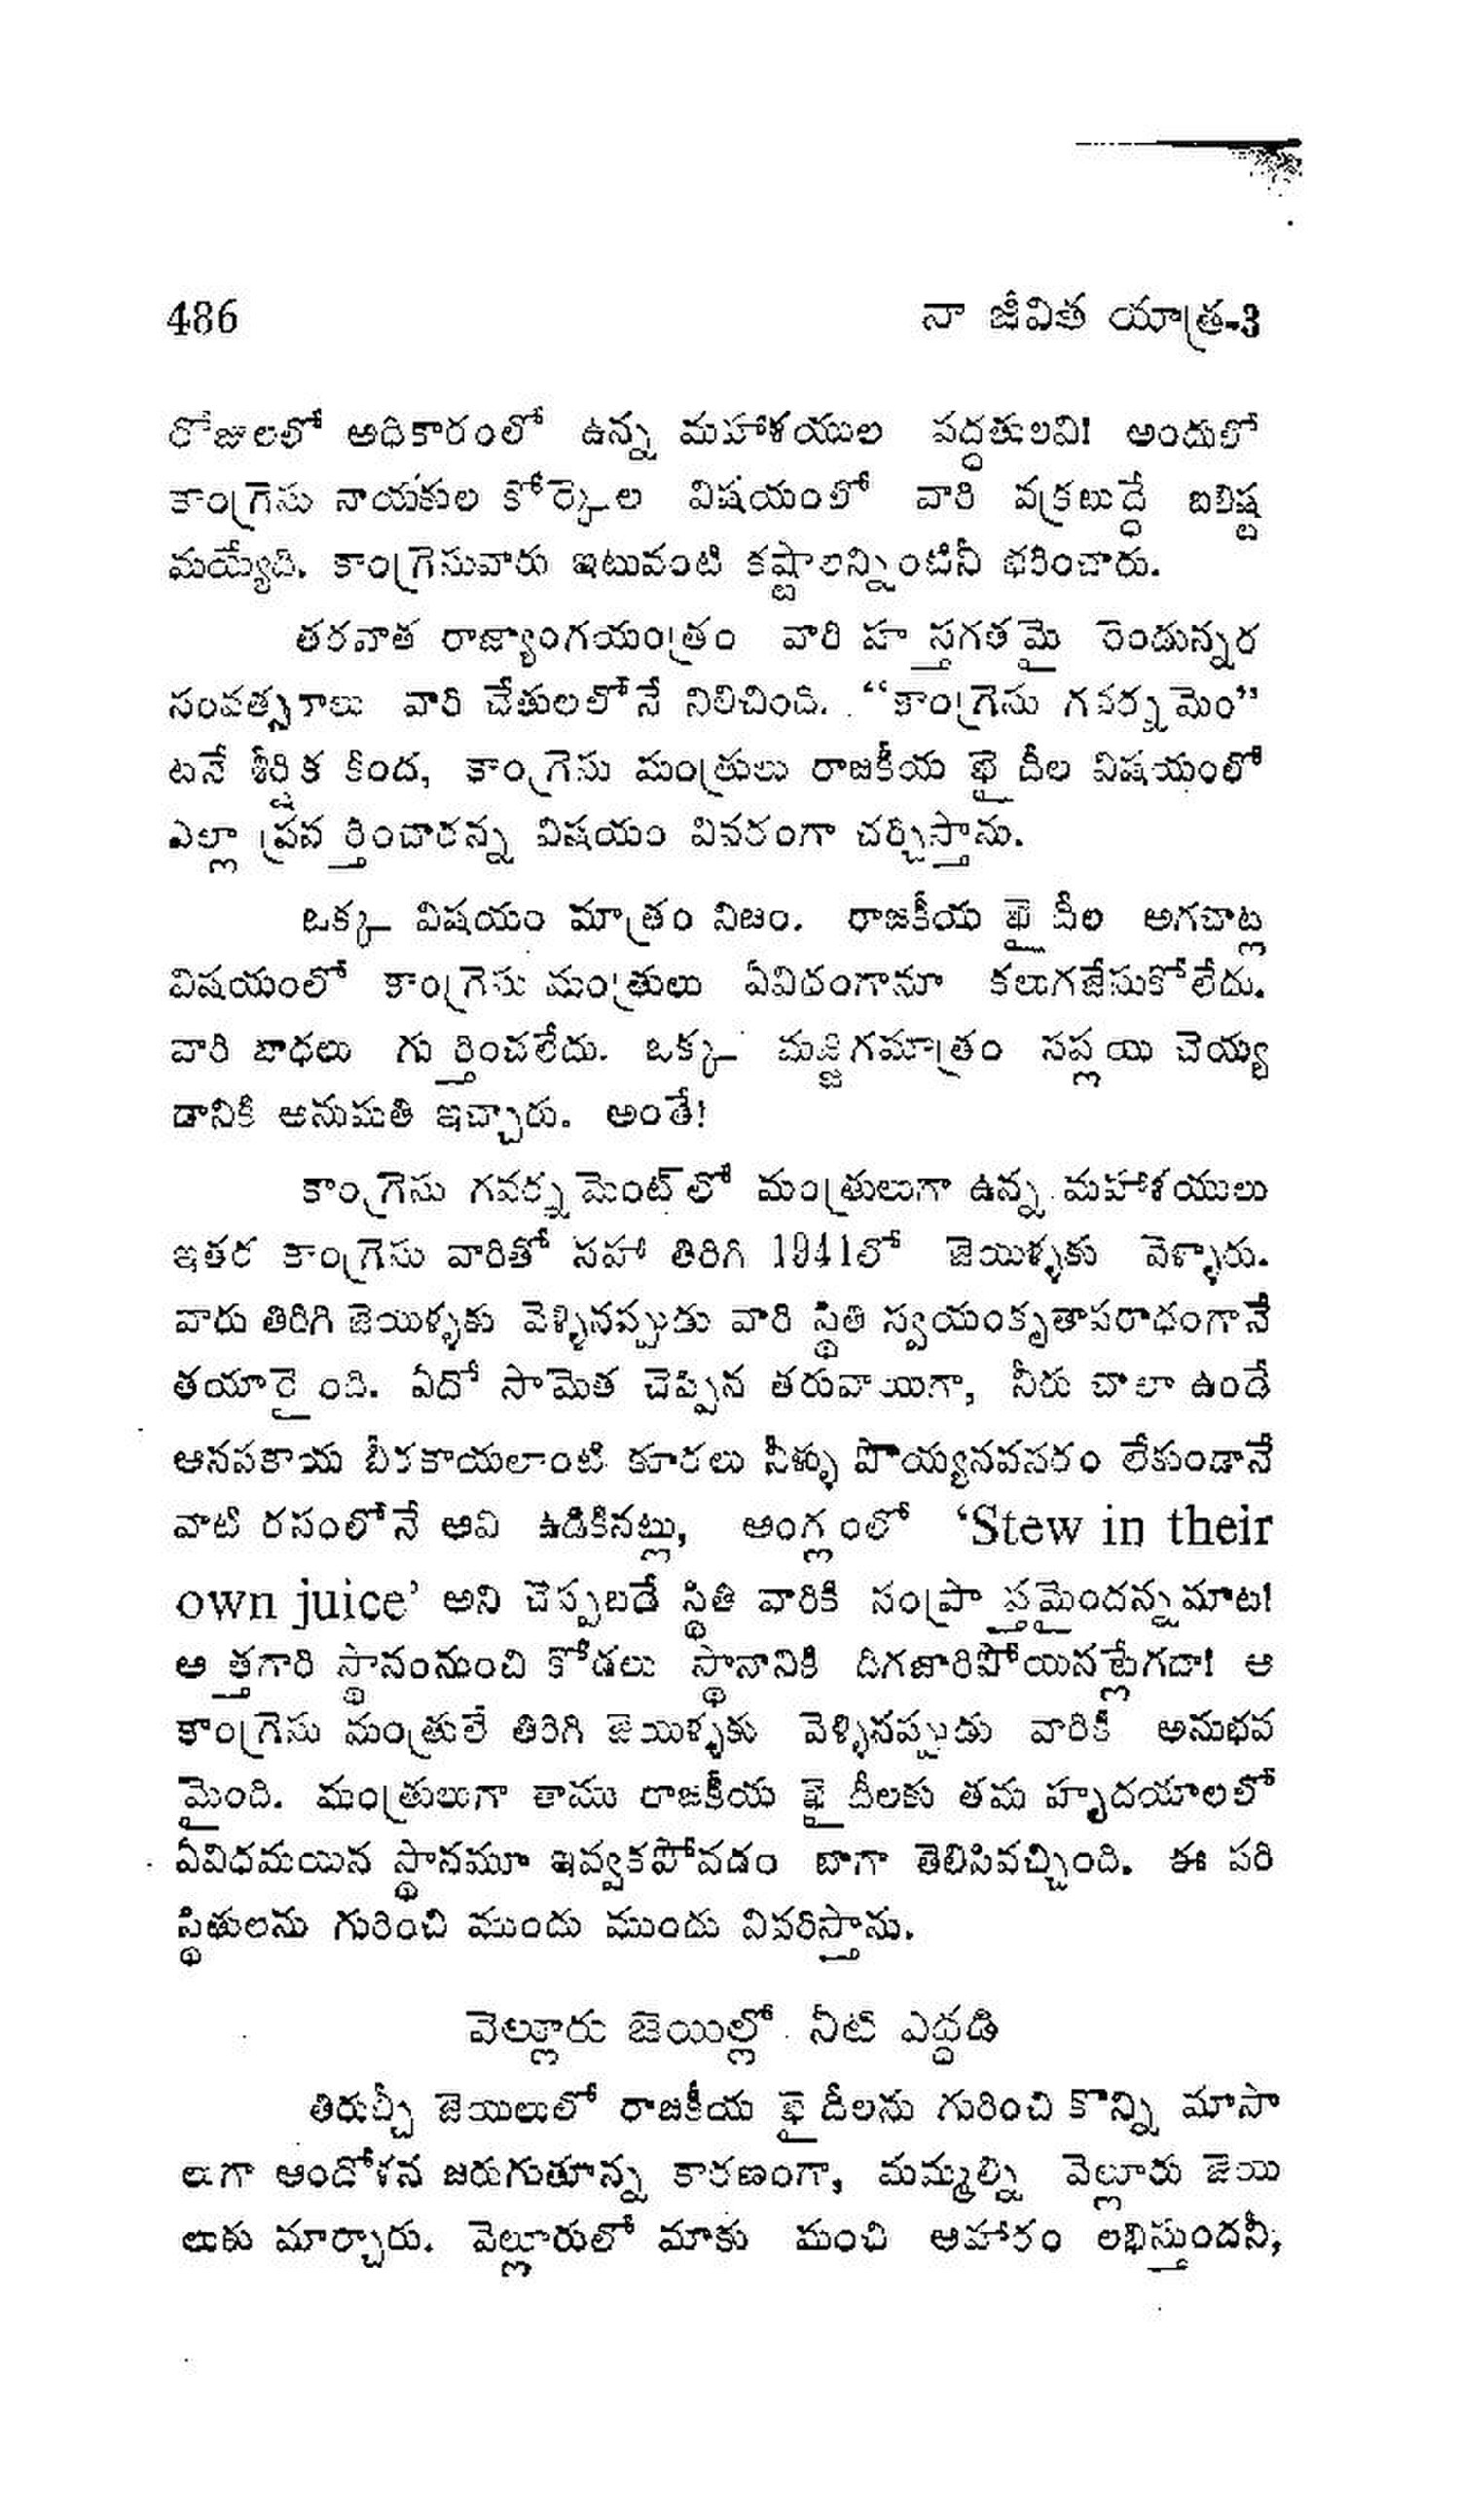రోజులలో అధికారంలో ఉన్న మహాశయుల పద్ధతులవి! అందులో కాంగ్రెసు నాయకుల కోర్కెల విషయంలో వారి వక్రబుద్దే బలిష్టమయ్యేది. కాంగ్రెసువారు ఇటువంటి కష్టాలన్నింటినీ భరించారు.

తరవాత రాజ్యాంగయంత్రం వారి హస్తగతమై రెండున్నర సంవత్సరాలు వారి చేతులలోనే నిలిచింది. "కాంగ్రెసు గవర్నమెం"టనే శీర్షిక కింద, కాంగ్రెసు మంత్రులు రాజకీయ ఖైదీల విషయంలో ఎల్లా ప్రవర్తించారన్న విషయం వివరంగా చర్చిస్తాను.

ఒక్క విషయం మాత్రం నిజం. రాజకీయ ఖైదీల అగచాట్ల విషయంలో కాంగ్రెసు మంత్రులు ఏవిధంగానూ కలుగజేసుకోలేదు. వారి బాధలు గుర్తించలేదు. ఒక్క మజ్జిగమాత్రం సప్లయి చెయ్యడానికి అనుమతి ఇచ్చారు. అంతే!

కాంగ్రెసు గవర్నమెంట్‌లో మంత్రులుగా ఉన్న మహాశయులు ఇతర కాంగ్రెసు వారితో సహా తిరిగి 1941 లో జెయిళ్ళకు వెళ్ళారు. వారు తిరిగి జెయిళ్ళకు వెళ్ళినప్పుడు వారి స్థితి స్వయంకృతాపరాధంగానే తయారైంది. ఏదో సామెత చెప్పిన తరువాయిగా, నీరు చాలా ఉండే అనపకాయ బీరకాయలాంటి కూరలు నీళ్ళు పొయ్యనవసరం లేకుండానే వాటి రసంలోనే అవి ఉడికినట్లు, ఆంగ్లంలో 'Stew in their own juice' అని చెప్పబడే స్థితి వారికి సంప్రాప్తమైందన్నమాట! అత్తగారి స్థానంనుంచి కోడలు స్థానానికి దిగజారిపోయినట్లే గదా! ఆ కాంగ్రెసు మంత్రులే తిరిగి జెయిళ్ళకు వెళ్ళినప్పుడు వారికి అనుభవమైంది. మంత్రులుగా తాము రాజకీయ ఖైదీలకు తమ హృదయాలలో ఏవిధమయిన స్థానమూ ఇవ్వకపోవడం బాగా తెలిసివచ్చింది. ఈ పరిస్థితులను గురించి ముందు ముందు వివరిస్తాను.

తిరుచ్చీ జెయిలులో రాజకీయ ఖైదీలను గురించి కొన్ని మాసాలుగా ఆందోళన జరుగుతూన్న కారణంగా, మమ్మల్ని వెల్లూరు జెయిలుకు మార్చారు. వెల్లూరులో మాకు మంచి ఆహారం లభిస్తుందనీ,